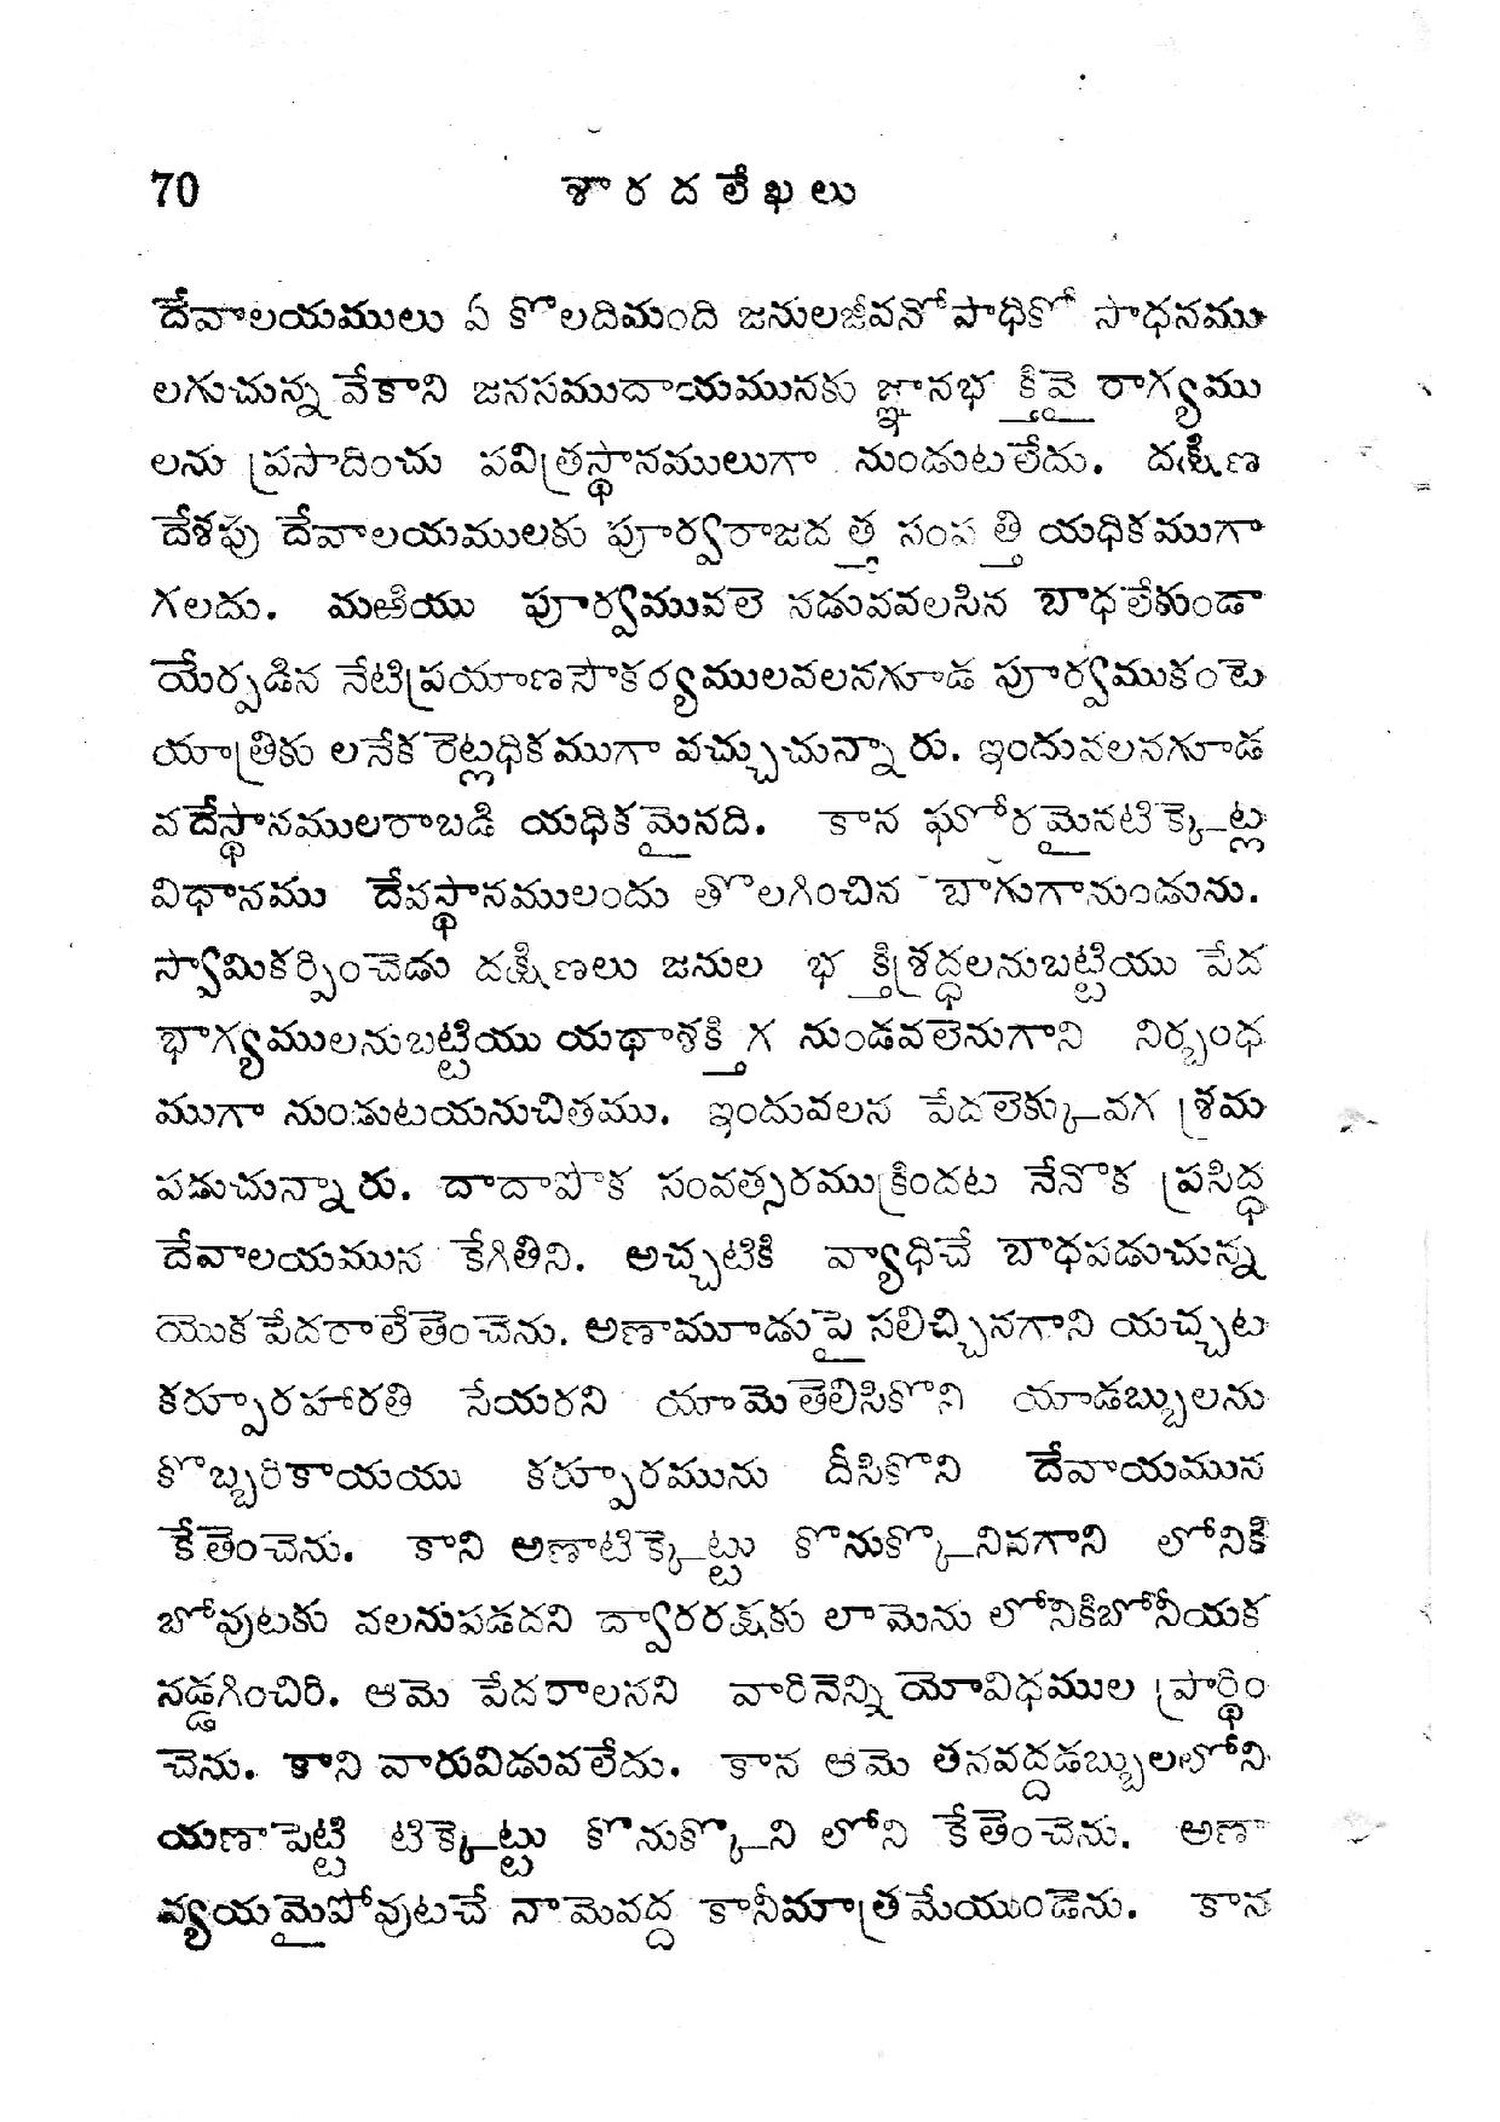దేవాలయములు ఏ కొలదిమంది జనులజీవనోపాధికో సాధనములగుచున్నవేకాని జనసముదాయమునకు జ్ఞానభక్తివైరాగ్యములను ప్రసాదించు పవిత్రస్థానములుగా నుండుటలేదు. దక్షిణదేశపు దేవాలయములకు పూర్వరాజదత్త సంపత్తి యధికముగా గలదు. మఱియు పూర్వమువలె నడువవలసిన బాధలేకుండా
యేర్పడిన నేటిప్రయాణ సౌకర్యములవలనగూడ పూర్వముకంటె యాత్రికు లనేక రెట్లధికముగా వచ్చుచున్నారు. ఇందువలనగూడ దేవస్థానములరాబడి యధికమైనది. కాన ఘోరమైనటిక్కెట్ల విధానము దేవస్థానములందు తొలగించిన బాగుగానుండును. స్వామికర్పించెడు దక్షిణలు జనులు భక్తిశ్రద్దలనుబట్టియు పేద భాగ్యములనుబట్టియు యథాశక్తిగ నుండవలెనుగాని నిర్బంధముగా నుండుటయనుచితము. ఇందువలన పేదలెక్కువగ శ్రమపడుచున్నారు. దాదాపొక సంవత్సరముక్రిందట నేనొక ప్రసిద్ధ
దేవాలయమున కేగితిని. అచ్చటికి వ్యాధిచే బాధపడుచున్న యొకపేదరాలేతెంచెను. అణామూడుపై సలిచ్చినగాని యచ్చట కర్పూరహారతి సేయరని యామెతెలిసికొని యాడబ్బులను కొబ్బరికాయయు కర్పూరమును దీసికొని దేవాయమున కేతెంచెను. కాని అణాటిక్కెట్టు కొనుక్కొనినగాని లోనికి బోవుటకు వలనుపడదని ద్వారరక్షకు లామెను లోనికిబోనీయక నడ్డగించిరి. ఆమె పేదరాలనని వారినెన్నియోవిధముల ప్రార్థించెను. కాని వారువిడువలేదు. కాన ఆమె తనవద్దడబ్బులలోని యణాపెట్టి టిక్కెట్టు కొనుక్కొని లోని కేతెంచెను. అణా వ్యయమైపోవుటచే నామెవద్ద కానీమాత్రమేయుండెను. కాన